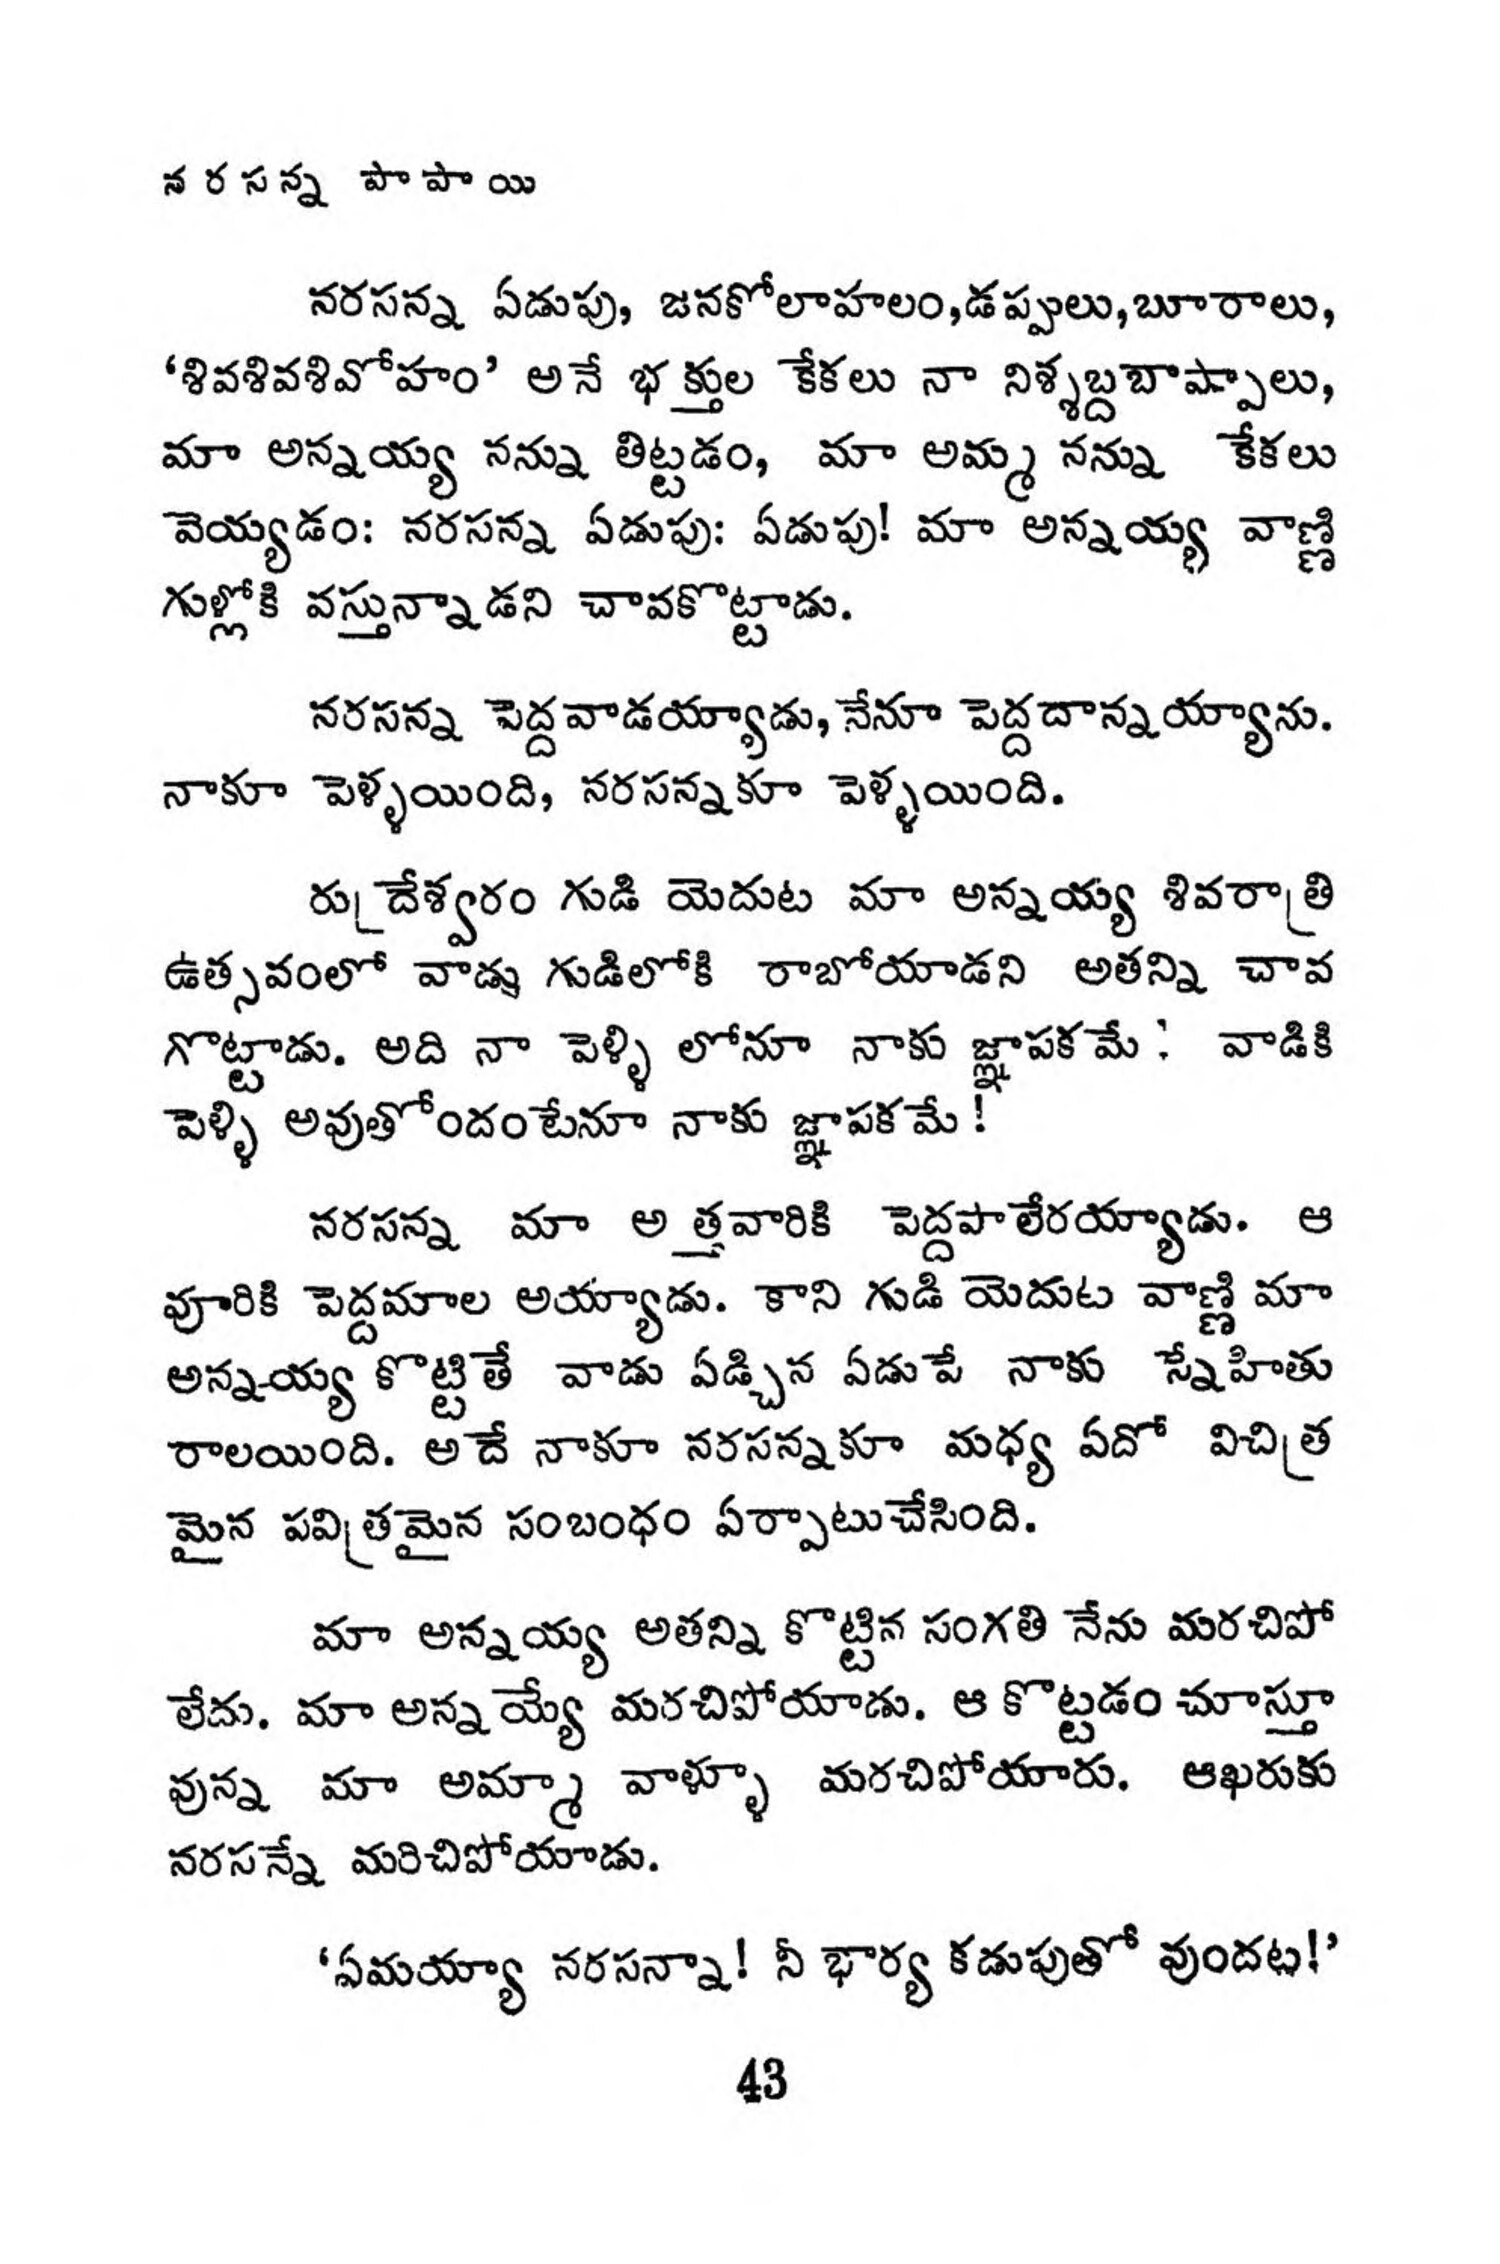నరసన్న ఏడుపు, జనకోలాహలం, డప్పులు, బూరాలు, 'శివశివశివోహం' అనే భక్తుల కేకలు నా నిశ్శబ్దబాష్పాలు, మా అన్నయ్య నన్ను తిట్టడం, మా అమ్మ నన్ను కేకలు వెయ్యడం; నరసన్న ఏడుపు; ఏడుపు ! మా అన్నయ్య వాణ్ణి గుళ్లోకి వస్తున్నాడని చావకొట్టాడు.

నరసన్న పెద్దవాడయ్యాడు, నేనూ పెద్దదాన్నయ్యాను. నాకూ పెళ్ళయింది, నరసన్నకూ పెళ్ళయింది.

రుద్రేశ్వరం గుడి యెదుట మా అన్నయ్య శివరాత్రి ఉత్సవంలో వాడు గుడిలోకి రాబోయాడని అతన్ని చావ గొట్టాడు. అది నా పెళ్ళి లోనూ నాకు జ్ఞాపకమే ; వాడికి పెళ్ళి అవుతోందంటేనూ నాకు జ్ఞాపకమే!

నరసన్న మా అత్తవారికి పెద్దపాలేరయ్యాడు. ఆ వూరికి పెద్దమాల అయ్యాడు. కాని గుడి యెదుట వాణ్ణి మా అన్నయ్య కొట్టితే వాడు ఏడ్చిన ఏడుపే నాకు స్నేహితురాలయింది. అదే నాకూ నరసన్నకూ మధ్య ఏదో విచిత్రమైన పవిత్రమైన సంబంధం ఏర్పాటుచేసింది.

మా అన్నయ్య అతన్ని కొట్టిన సంగతి నేను మరచిపోలేదు. మా అన్నయ్యే మరచిపోయాడు. ఆ కొట్టడం చూస్తూ వున్న మా అమ్మా వాళ్ళూ మరచిపోయారు. ఆఖరుకు నరసన్నే మరిచిపోయాడు.

'ఏమయ్యా నరసన్నా! నీ భార్య కడుపుతో వుందట!'